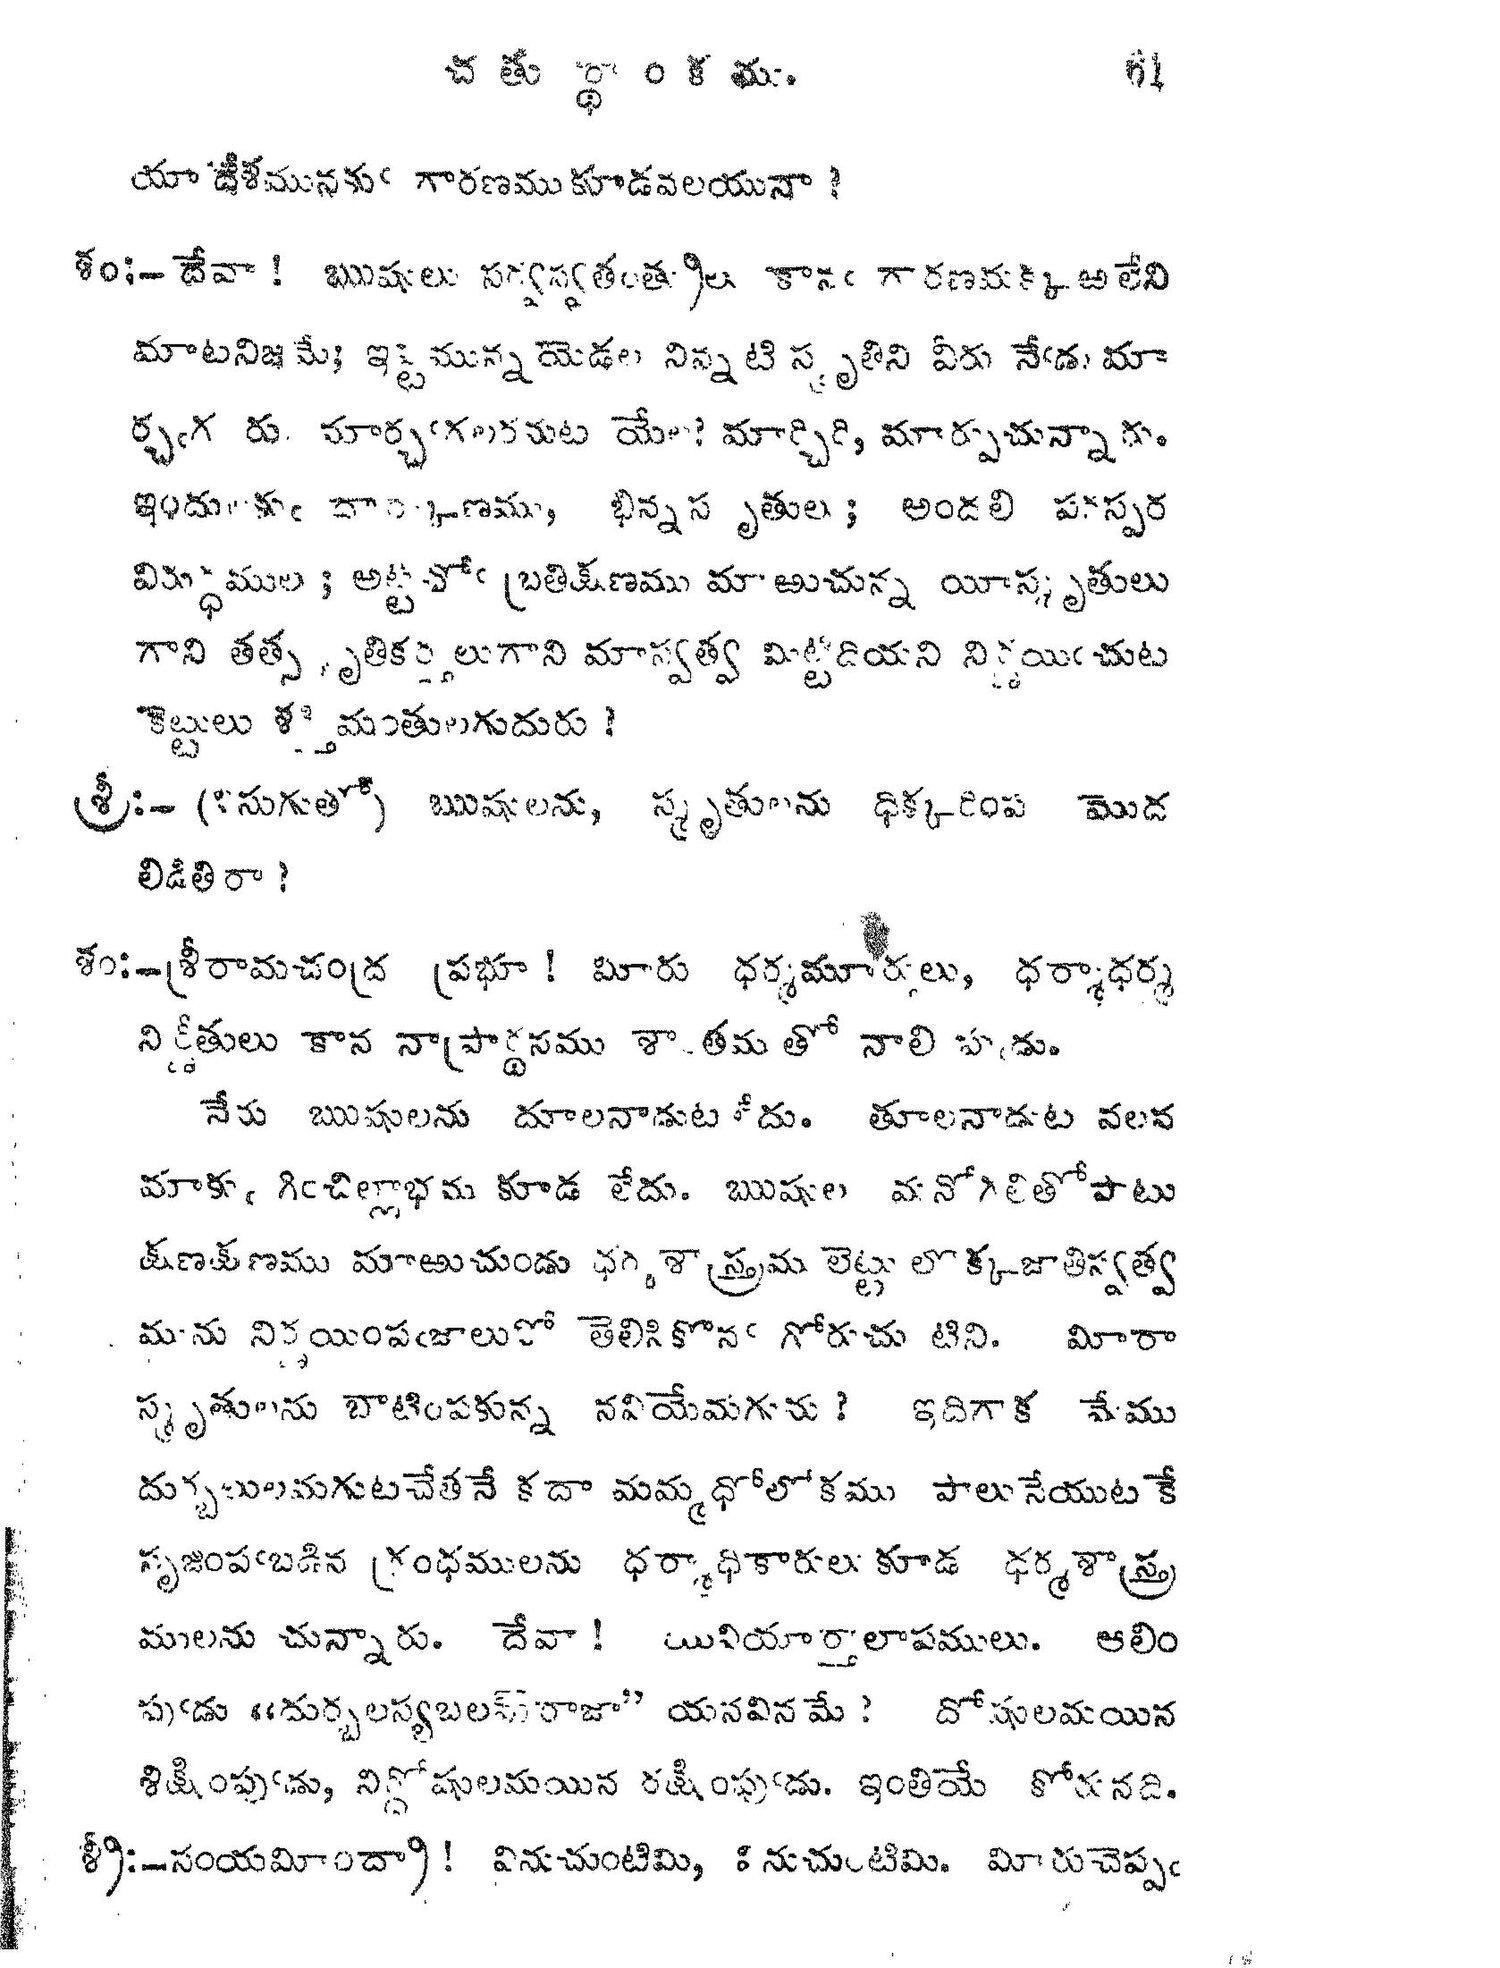యాదేశమునకుఁ గారణము కూడవలయునా ?

శం:- దేవా ! ఋషలు సర్వస్వతంత్రులు కాన గారణమక్కఱలేని
 మాట నిజమే , ఇష్టమున్న యెడలు నిన్నటి స్మృతిని వీరు నేఁడు మా
 ర్చగలరు. మార్చఁగలరనుట యేల? మార్చిరి, మార్పుచున్నారు.
 ఇందుకు దార్కాణము, భిన్న సంస్కృతులు; అండలి పఃస్పర
 విరుద్దముల , అట్టిచోఁ బ్రతిక్షణము మాఱుచున్న యీస్మృతులు
 గాని తత్సస్మృ తికులు గాని మాస్వత్వ మిట్టిది యని నిర్ణయించుట
 కెట్టులు శక్తిముతు లగుదురు ?

శ్రీ:- (విసుగుతో) ఋషలను, స్మృతును ధిక్కరింప మొద
 లిడితిరా ?

శం:- శ్రీరామచంద్ర ప్రభూ ! మీరు ధర్మమూర్తులు, ధర్మాధర్మ
 నిర్ణీతులు కాన నా ప్రార్ధనము శాంతమతో నాలికింపుడు.
 నేను ఋషులను దూలనాడుట లేదు. తూలనాడట వలవ
 మాకు, గించిల్లాభము కూడ లేదు. ఋషుల మనోగతితో పాటు
 క్షణక్షణము మాఱుచుండు ధర్మశాస్త్రమ లెట్టు లొక్క జాతిస్వత్వ
 మును నిర్ణయింపఁ జాలురో తెలిసి కొన గోరు చుంటిని. మీరా
 స్మృతును బాటింపకున్న నవి యేమగును ? ఇదిగాక మేము
 దుర్బలుల మగుట చేతనే కదా మమ్మధోలోకము పాలు సేయుటకే
 సృజింప బడిన గ్రంధములను ధర్మాధికారులు కూడ ధర్మశాస్త్ర
 ములను చున్నారు. దేవా! యివియార్తా లాపములు. ఆలిం
 పుఁడు దుర్చలస్య బలమో రాజా" యనవినమే ! దోషు లమయిన
 శిక్షింపుఁడు, నిర్దోషులమయిన రక్షింపుడు. ఇంతియే కోరు నది.

శ్రీ:- సంయమీంద్రా ! వినుచుంటిమి, వినుచుంటిమి. మీరు చెప్పఁ